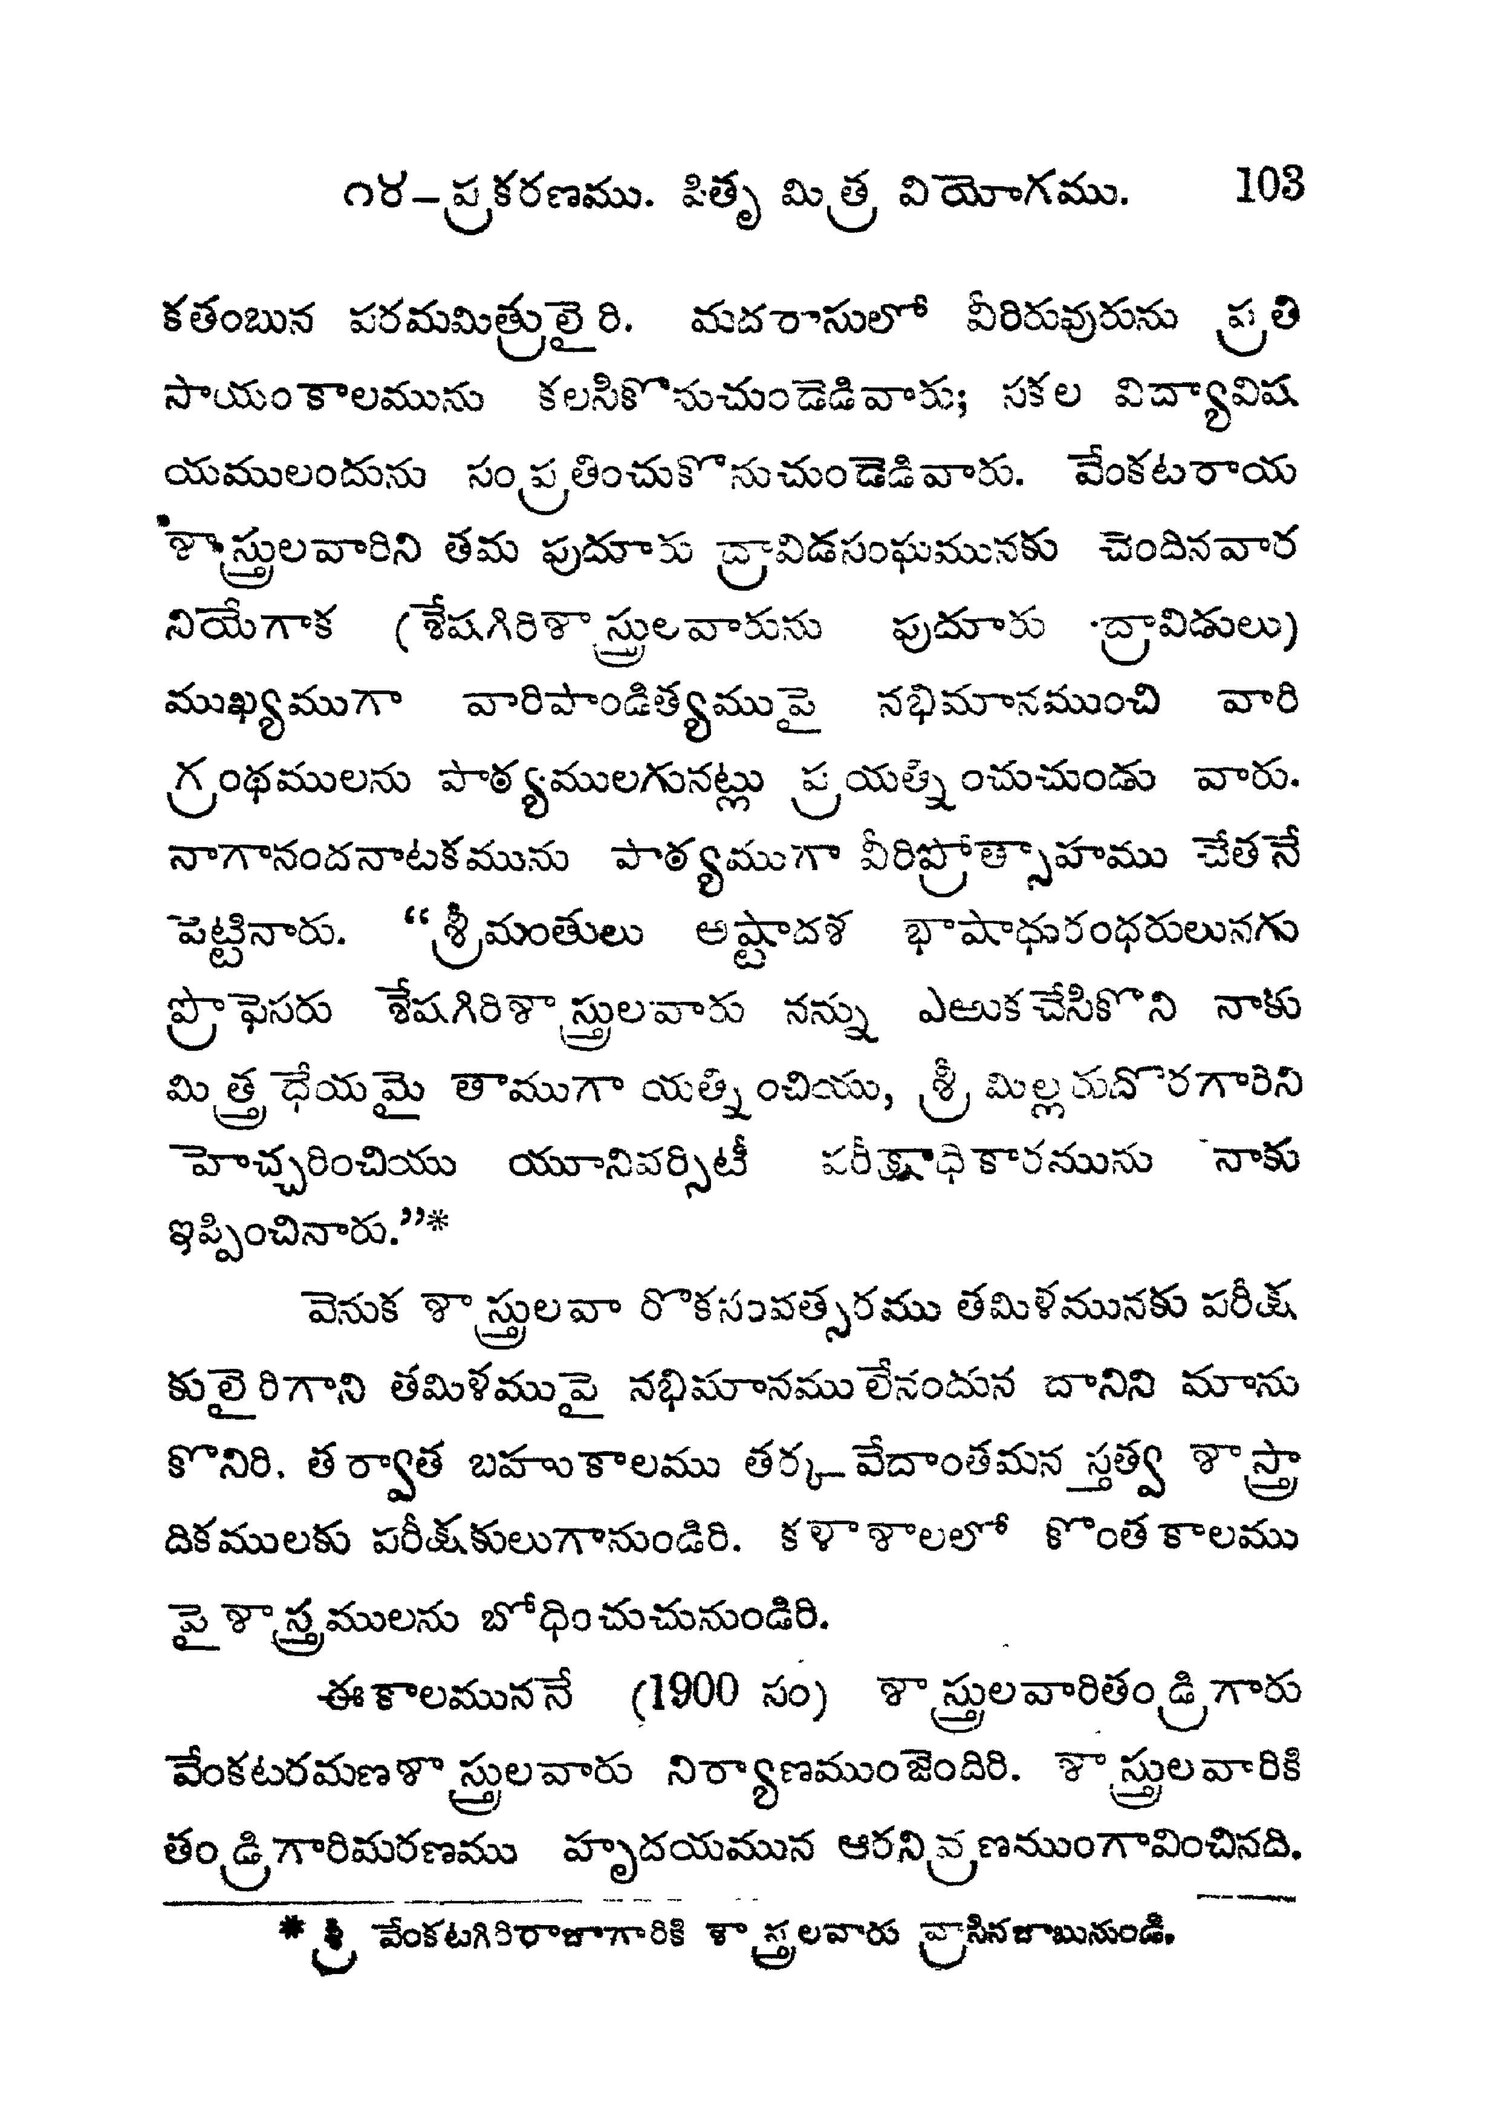కతంబున పరమమిత్రులైరి. మదరాసులో వీరిరువురును ప్రతిసాయంకాలమును కలిసికొనుచుండెడివారు; సకల విద్యావిషయములందును సంప్రతించు కొనుచుండెడివారు. వేంకటరాయశాస్త్రులవారిని తమ పుదూరు ద్రావిడసంఘమునకు చెందినవారనియేగాక (శేషగిరిశాస్త్రులవారును పుదూరు ద్రావిడులు) ముఖ్యముగా వారిపాండిత్యముపై నిభిమానముంచి వారి గ్రంథములను పాఠ్యములగునట్లు ప్రయత్నించుచుండు వారు. నాగానందనాటకమును పాఠ్యముగా వీరిప్రోత్సాహము చేతనే పెట్టినారు. "శ్రీమంతులు అష్టాదశ భాషాధురంధరులునగు ప్రొఫెసరు శేషగిరిశాస్త్రులవారు నన్ను ఎఱుకచేసికొని నాకు మిత్త్రధేయమై తాముగా యత్నించియు, శ్రీ మిల్లరుదొరగారిని హెచ్చరించియు యూనివర్సిటీ పరీక్షాధికారమును నాకు ఇప్పించినారు."*

వెనుక శాస్త్రులవా రొకసంవత్సరము తమిళమునకు పరీక్షకులైరిగాని తమిళముపై నభిమానములేనందున దానిని మానుకొనిరి. తర్వాత బహుకాలము తర్కవేదాంతమున స్తత్వ శాస్త్రాదికములకు పరీక్షకులుగానుండిరి. కళాశాలలో కొంతకాలము పైశాస్త్రములను బోధించుచునుండిరి.

ఈకాలముననే (1900 సం) శాస్త్రులవారితండ్రిగారు వేంకటరమణశాస్త్రులవారు నిర్యాణముంజెందిరి. శాస్త్రులవారికి తండ్రిగారిమరణము హృదయమున ఆరనివ్రణముంగావించినది.

శ్రీ వేంకటగిరిరాజాగారికి శాస్త్రులవారు వ్రాసినజాబునుండి.